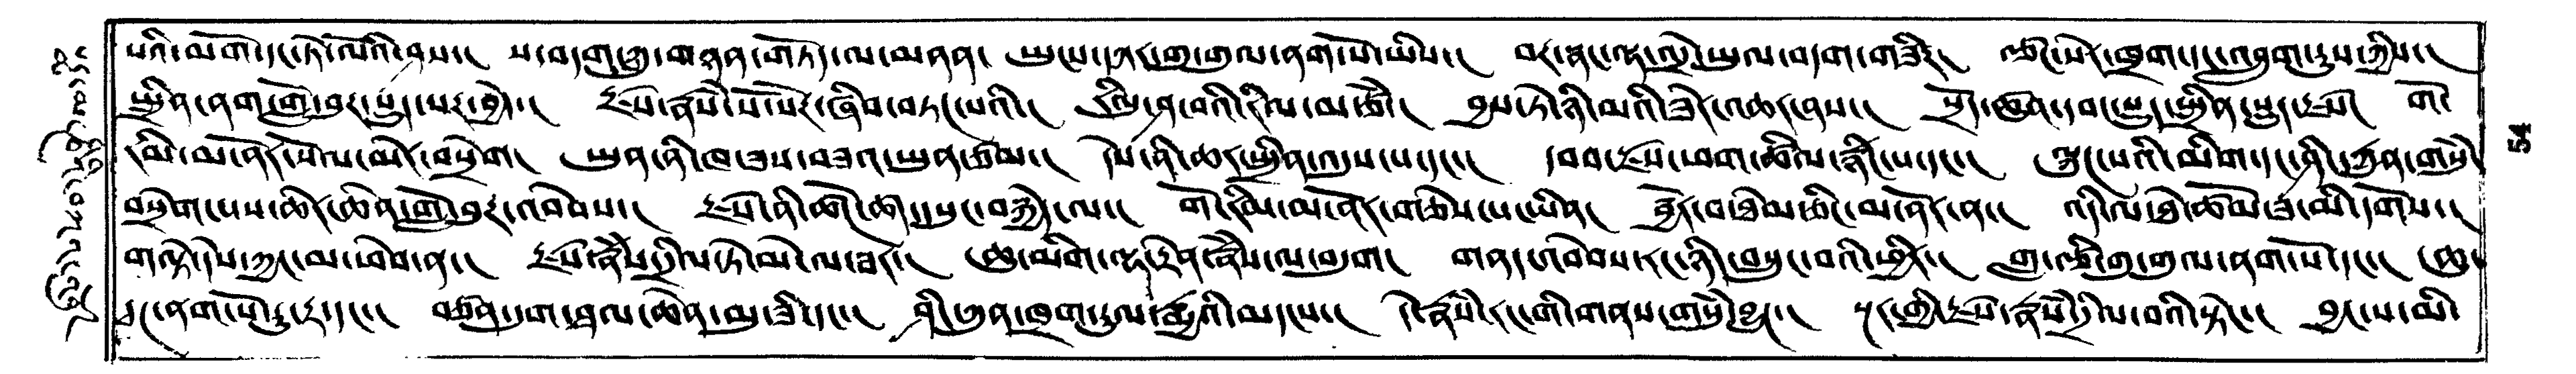པའི་མགོ་དང་ཏེ་ལོའི་ཤས། ས་བདག་ཀླུ་གཉན་གཏོད་ལ་མནན། ཡུངས་དཀར་གུ་གུལ་ནག་པོ་ཡིས། བར་སྣང་ལྷ་འདྲེ་ཡུལ་བདག་གཞིགས། ལྕགས་སེར་ཁྲག་དང་འབྲུག་རྒྱུད་ཀྱིས། 
སྤྲིན་ནག་གློ་བུར་སྡུད་པར་བྱེད། རྫས་རྣམས་པར་སོ་སོར་ཞིབ་བཏགས་པལའི། རིལ་བུ་ཤ་བའི་རིལ་མ་ཙམ། བྱས་ཏེ་ཉི་མའི་ཟེར་འཆར་ནས། སྲོད་ཕན་ཚུན་དབང་སྡུས་ཕྲིན་སྡུད་རྫས། གོ་
རིམ་མ་ནོར་སོལ་མེར་བསྲེག། ཡུན་ནི་ཁ་ཟས་བཟའ་ཡུན་ཙམ། དེས་ནི་ཆར་སྤྲིན་འདུས་པ་དང་། དབབ་རྫས་ཕག་ཚིལ་རྙིང་པ་དང་། ལྐུགས་པའི་མིག་དང་ཤིང་རྐུན་གསུམ། 
བསྲེགས་པས་ཆེར་ཆེན་གློ་བུར་འབེབས། རྫས་ནི་ཚོགས་ཚད་དཔུང་བསྐྱེད་ལ། གོ་རིམ་མ་ནོར་གཅེས་པ་ཡིན། སྦྱོར་བ་ཐེམ་ཅིང་མ་ནོར་ན། འདི་ལ་ཐེ་ཚོམ་ཟ་མི་དགོས། 
གལ་ཏེ་དེས་ཀྱང་མ་ཕེབ་ན། རྫས་རྣམས་དྲིལ་ཏེ་མེ་ལ་སྦྲ། ཆུ་མིག་ལྷ་རྟེན་རྣམས་ལ་བདུག གནད་འབེབས་རང་ཉིད་བསྲུང་བའི་ཕྱིར། གླ་རྩི་གུ་གུལ་ནག་པོ་དང་། ཆུ་
དྭགས་ནག་པོ་རུ་དྲ་དང་། བཙན་དུག་ཐལ་ཆེན་མུ་ཟི་དང་། ཤིང་ཀུན་ཁྲག་རྡུལ་རྨ་བྱཱི་མདངས། དེ་རྣམས་རང་གི་གནས་གསུམ་བྱུང། སྔར་གྱི་རྗས་རྣམས་དྲིལ་བའི་སྟེང་། བྱང་པ་མི་